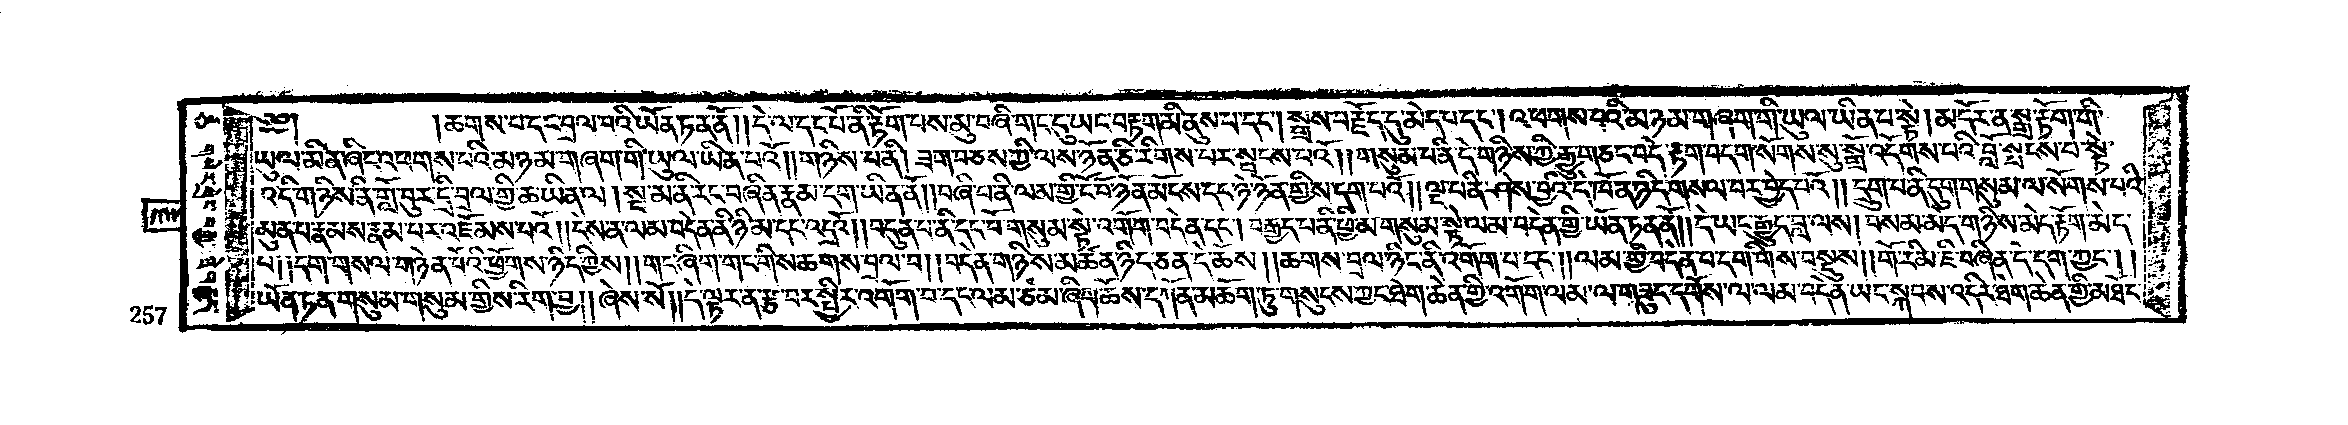༄༅། །ཆགས་པ་དང་བྲལ་བའི་ཡོན་ཏན་ནོ། །དེ་ལ་དང་པོ་ནི་རྟོག་པས་མུ་བཞི་གང་དུ་ཡང་བརྟག་མི་ནུས་པ་དང་། སྒྲས་བརྗོད་དུ་མེད་པ་དང་། འཕགས་པའི་མཉམ་གཞག་གི་ཡུལ་ཡིན་པ་སྟེ། མདོར་ན་སྒྲ་རྟོག་གི་
ཡུལ་མིན་ཞིང་འཕགས་པའི་མཉམ་གཞག་གི་ཡུལ་ཡིན་པའོ། །གཉིས་པ་ནི། ཟག་བཅས་ཀྱི་ལས་ཉོན་ཅི་རིགས་པར་སྤངས་པའོ། །གསུམ་པ་ནི་དེ་གཉིས་ཀྱི་རྒྱུ་གཙང་བདེ་རྟག་བདག་སོགས་སུ་སྒྲོ་འདོགས་པའི་བློ་སྤངས་པ་སྟེ་
འདི་གཉིས་ནི་གློ་བུར་དྲི་བྲལ་གྱི་ཆ་ཡིན་ལ། སྔ་མ་ནི་རང་བཞིན་རྣམ་དག་ཡིན་ནོ། །བཞི་པ་ནི་ལམ་གྱི་ངོ་བོ་ཉོན་མོངས་དང་ཉེ་ཉོན་གྱིས་དག་པའོ། །ལྔ་པ་ནི་ཤེས་བྱའི་དེ་ཁོ་ན་ཉིད་གསལ་བར་བྱེད་པའོ། །དྲུག་པ་ནི་དུག་གསུམ་ལ་སོགས་པའི་
མུན་པ་རྣམས་རྣམ་པར་འཇོམས་པའོ། །དེས་ན་ལམ་བདེན་ནི་ཉི་མ་དང་འདྲའོ། །བདུན་པ་ནི་དང་པོ་གསུམ་སྟེ་འགོག་བདེན་དང་། བརྒྱད་པ་ནི་ཕྱི་མ་གསུམ་སྟེ་ལམ་བདེན་གྱི་ཡོན་ཏན་ནོ། །དེ་ཡང་རྒྱུད་བླ་ལས། བསམ་མེད་གཉིས་མེད་རྟོག་མེད་
པ། །དག་གསལ་གཉེན་པོའི་ཕྱོགས་ཉིད་ཀྱིས། །གང་ཞིག་གང་གིས་ཆགས་བྲལ་བ། །བདེན་གཉིས་མཚན་ཉིད་ཅན་དེ་ཆོས། །ཆགས་བྲལ་ཉིད་ནི་འགོག་པ་དང་། །ལམ་གྱི་བདེན་པ་དག་གིས་བསྡུས། །གོ་རིམ་ཇི་བཞིན་དེ་དག་ཀྱང་། །
ཡོན་ཏན་གསུམ་གསུམ་གྱིས་རིག་བྱ། །ཞེས་སོ། །དེ་ལྟར་ན་རྩ་བར་སྤྱིར་འགོག་པ་དང་ལམ་ཙམ་ཞིག་ཆོས་དཀོན་མཆོག་ཏུ་གསུངས་ཀྱང་ཐེག་ཆེན་གྱི་འགོག་ལམ་ལ་གཟུང་དགོས་ལ་ལམ་བདེན་ཡང་སྐབས་འདིར་ཐེག་ཆེན་གྱི་མཐོང་